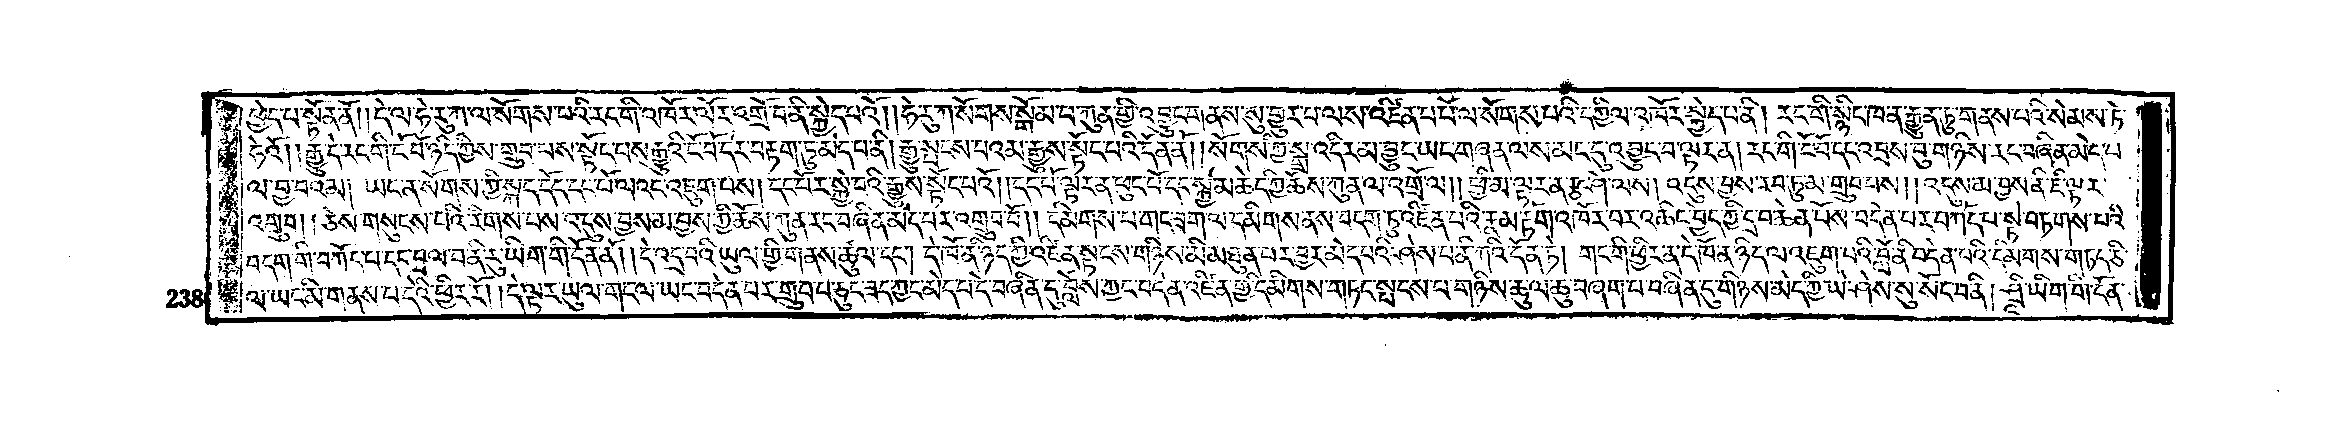ཕྱེད་པ་སྟོན་ནོ། །དེ་ལ་ཧེ་རུ་ཀ་ལ་སོགས་པའི་རང་གི་འཁོར་ལོར་འགྲོ་བ་ནི་སྐྱེད་པའོ། །ཧེ་རུ་ཀ་སོགས་སྒོམ་པ་ཀུན་གྱི་འབྱུང་གནས་སུ་གྱུར་པ་ལས་འཛིན་པ་པོ་ལ་སོགས་པའི་དཀྱིལ་འཁོར་སྐྱེད་པ་ནི། རང་གི་སྙིང་ཁ་ན་རྒྱུན་ཏུ་གནས་པའི་སེམས་ཏེ་
ཧེའོ། །རྒྱུ་དེ་རང་གི་ངོ་བོ་ཉིད་ཀྱིས་གྲུབ་པས་སྟོང་པས་རྒྱུའི་ངོ་བོ་དེར་བརྟག་ཏུ་མེད་པ་ནི། རྒྱུ་སྤངས་པའམ་རྒྱུས་སྟོང་པའི་དོན་ནོ། །སོགས་ཀྱི་སྒྲ་འདིར་མ་བྱུང་ཡང་གཞན་ལས་མང་དུ་འབྱུང་བ་ལྟར་ན། རང་གི་ངོ་བོ་དང་འབྲས་བུ་གཉིས་རང་བཞིན་མེད་པ་
ལ་བྱ་བའམ། ཡང་ན་སོགས་ཀྱི་སྐད་དོད་དང་པོ་ལའང་འཇུག་པས། དང་པོར་སྐྱེ་བའི་རྒྱུས་སྟོང་པའོ། །དང་པོ་ལྟར་ན་ཕུང་པོ་དང་སྐྱེ་མཆེད་ཀྱི་ཆོས་ཀུན་ལ་འགྲོ་ལ། །ཕྱི་མ་ལྟར་ན་རྩ་ཤེ་ལས། འདུས་བྱས་རབ་ཏུ་མ་གྲུབ་པས། །འདུས་མ་བྱས་ནི་ཇི་ལྟར་
འགྲུབ། །ཅེས་གསུངས་པའི་རིགས་པས་འདུས་བྱས་མ་བྱས་ཀྱི་ཆོས་ཀུན་རང་བཞིན་མེད་པར་འགྲུབ་བོ། །དམིགས་པ་གང་ཟག་ལ་དམིགས་ནས་བདག་ཏུ་འཛིན་པའི་རྣམ་རྟོག་འཁོར་བར་འཆིང་བྱེད་ཀྱི་དྲ་བ་ཆེན་པོས་བདེན་པར་བཀོད་པ་སྟེ་བཏགས་པའི་
བདག་གི་བཀོད་པ་དང་བྲལ་བ་ནི་རུ་ཡིག་གི་དོན་ནོ། །དེ་འདྲ་བའི་ཡུལ་གྱི་གནས་ཚུལ་དང་། དེ་ཁོ་ན་ཉིད་ཀྱི་འཛིན་སྟངས་གཉིས་མི་མཐུན་པར་བྱར་མེད་པའི་ཤེས་པ་ནི་ཀའི་དོན་ཏེ། གང་གི་ཕྱིར་ན་དེ་ཁོ་ན་ཉིད་ལ་འཇུག་པའི་བློ་ནི་བདེན་པའི་དམིགས་གཏད་ཅི་
ལ་ཡང་མི་གནས་པ་དེའི་ཕྱིར་རོ། །དེ་ལྟར་ཡུལ་གང་ལ་ཡང་བདེན་པར་གྲུབ་པ་ཅུང་ཟད་ཀྱང་མེད་པ་དེ་བཞིན་དུ་བློས་ཀྱང་བདེན་འཛིན་གྱི་དམིགས་གཏད་སྤངས་པ་གཉིས་ཆུ་ལ་ཆུ་བཞག་པ་བཞིན་དུ་གཉིས་མེད་ཀྱི་ཡེ་ཤེས་སུ་སོང་བ་ནི། ཤྲཱི་ཡིག་གི་དོན་